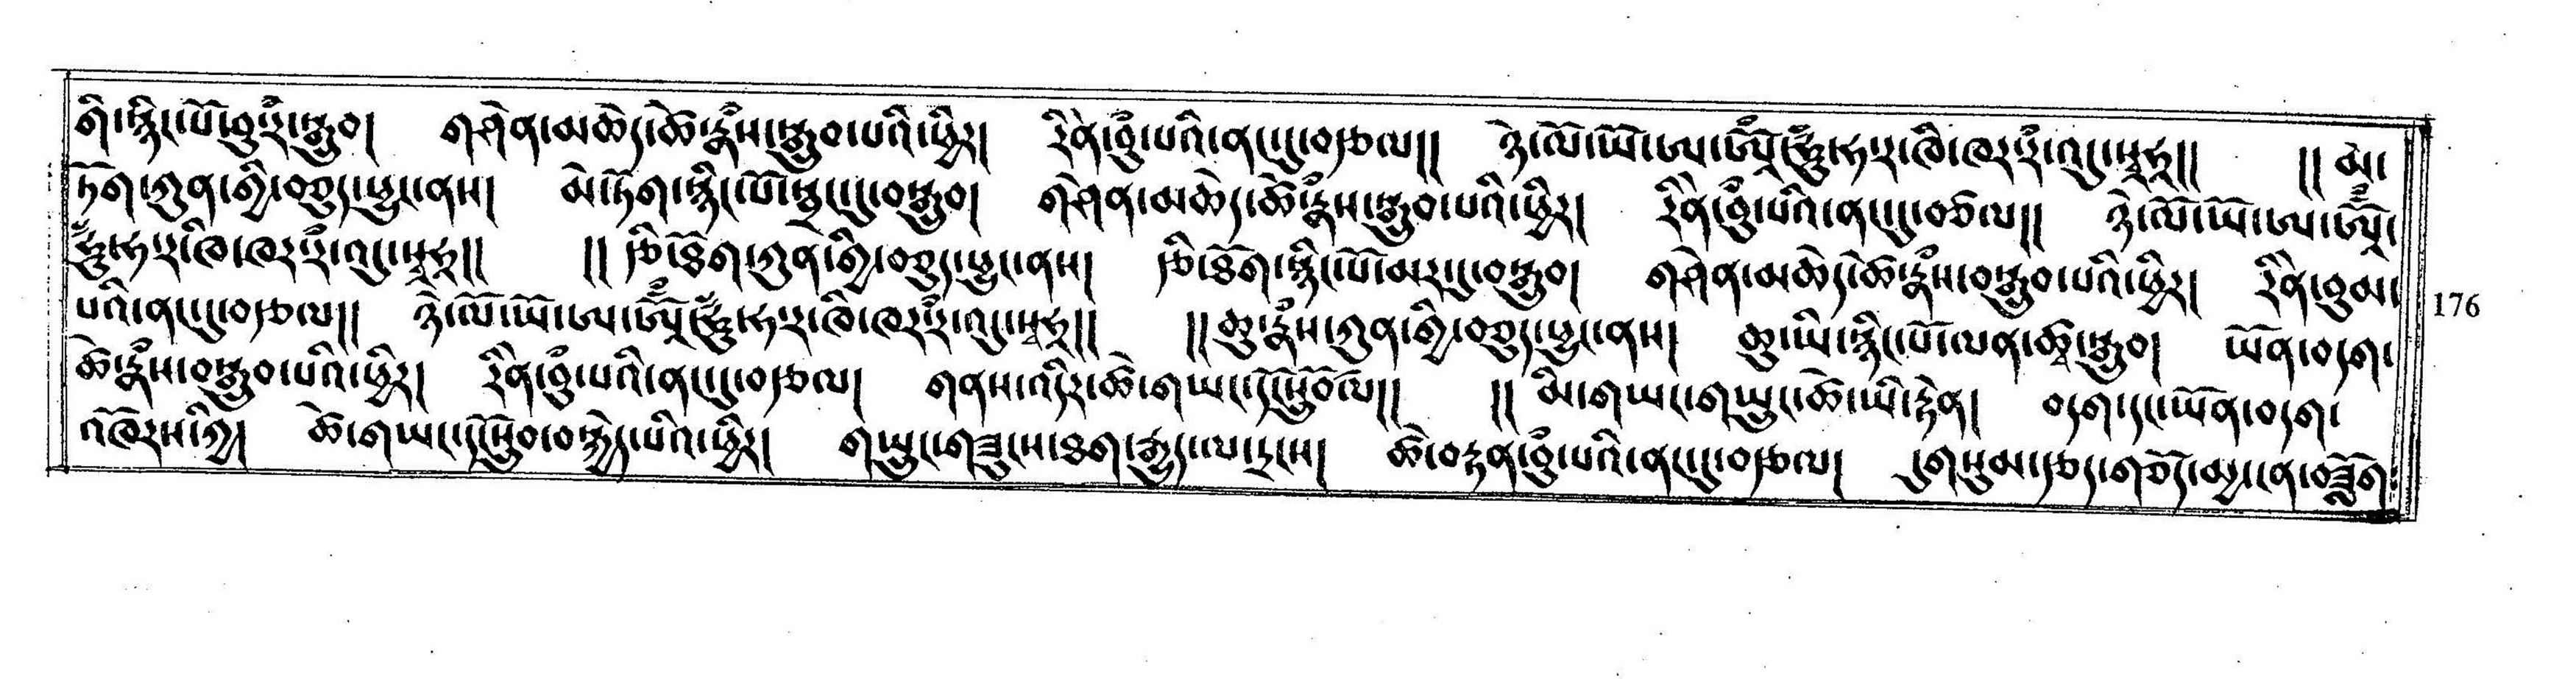གི་སྙིང་པོ་བུ་རམ་སྒྲུབ། གཤེན་མཆེད་ཚེ་རྣམས་སྒྲུབ་པའི་ཕྱིར། རིན་ཆེན་བུམ་པའི་ནང་དུ་བརྩལ།། ཉེ་ལོ་ཡོ་ཨ་ཨཱོཾ་ཧཱུྃ་ཧ་ར་ཁི་ཁར་རཾ་འདུ་སྭཱཧཱ།། །།མེ་
ཏོག་ཀུན་གྱི་བཅུད་ཕྱུང་ནས། མེ་ཏོག་སྙིང་པོ་སྦྲང་དུ་བསྒྲུབ། གཤེན་མཆེད་ཚེ་རྣམས་སྒྲུབ་པའི་ཕྱིར། རིན་ཆེན་བུམ་པའི་ནང་དུ་བཙལ།། ཉེ་ལོ་ཡོ་ཨ་ཨཱོཾ་
ཧཱུྃ་ཧ་ར་ཁི་ཁར་རཾ་འདུ་སྭཱཧཱ།། །།རྩི་ཐོག་ཀུན་གྱི་བཅུད་ཕྱུང་ནས། རྩི་ཐོག་སྙིང་པོ་མར་དུ་བསྒྲུབ། གཤེན་མཆེད་ཚེ་རྣམས་བསྒྲུབ་པའི་ཕྱིར། རིན་ཆེན་བུམ་
པའི་ནང་དུ་བརྩལ།། ཉེ་ལོ་ཡོ་ཨ་ཨཱོཾ་ཧཱུྃ་ཧ་ར་ར་ཁི་ཁར་རཾ་འདུ་སྭཱཧཱ།། །།ཆུ་རྣམས་ཀུན་གྱི་བཅུད་ཕྱུང་ནས། ཆུ་ཡི་སྙིང་པོ་ལན་ཚྭ་སྒྲུབ། ཡོན་བདག་
ཚེ་རྣམས་བསྒྲུབ་པའི་ཕྱིར། རིན་ཆེན་བུམ་པའི་ནང་དུ་བརྩལ། གནས་འདིར་ཚེ་གཡང་དངོས་གྲུབ་སྩོལ། །།མི་གཡང་གཡུང་དྲུང་ཚེ་ཡི་རྟེན། བདག་དང་ཡོན་བདག་
འཁོར་འདས་ཀྱི། ཚེ་གཡང་དངོས་གྲུབ་བསྐྱེད་པའི་ཕྱིར། གཡུང་དྲུང་གཟུངས་ཐག་རྒྱུད་ལ་དྲངས། ཚེ་བརྟན་བུམ་པའི་ནང་དུ་བརྩལ། དུག་གསུམ་རྩད་གཅོད་མྱ་ངན་བཟློག་